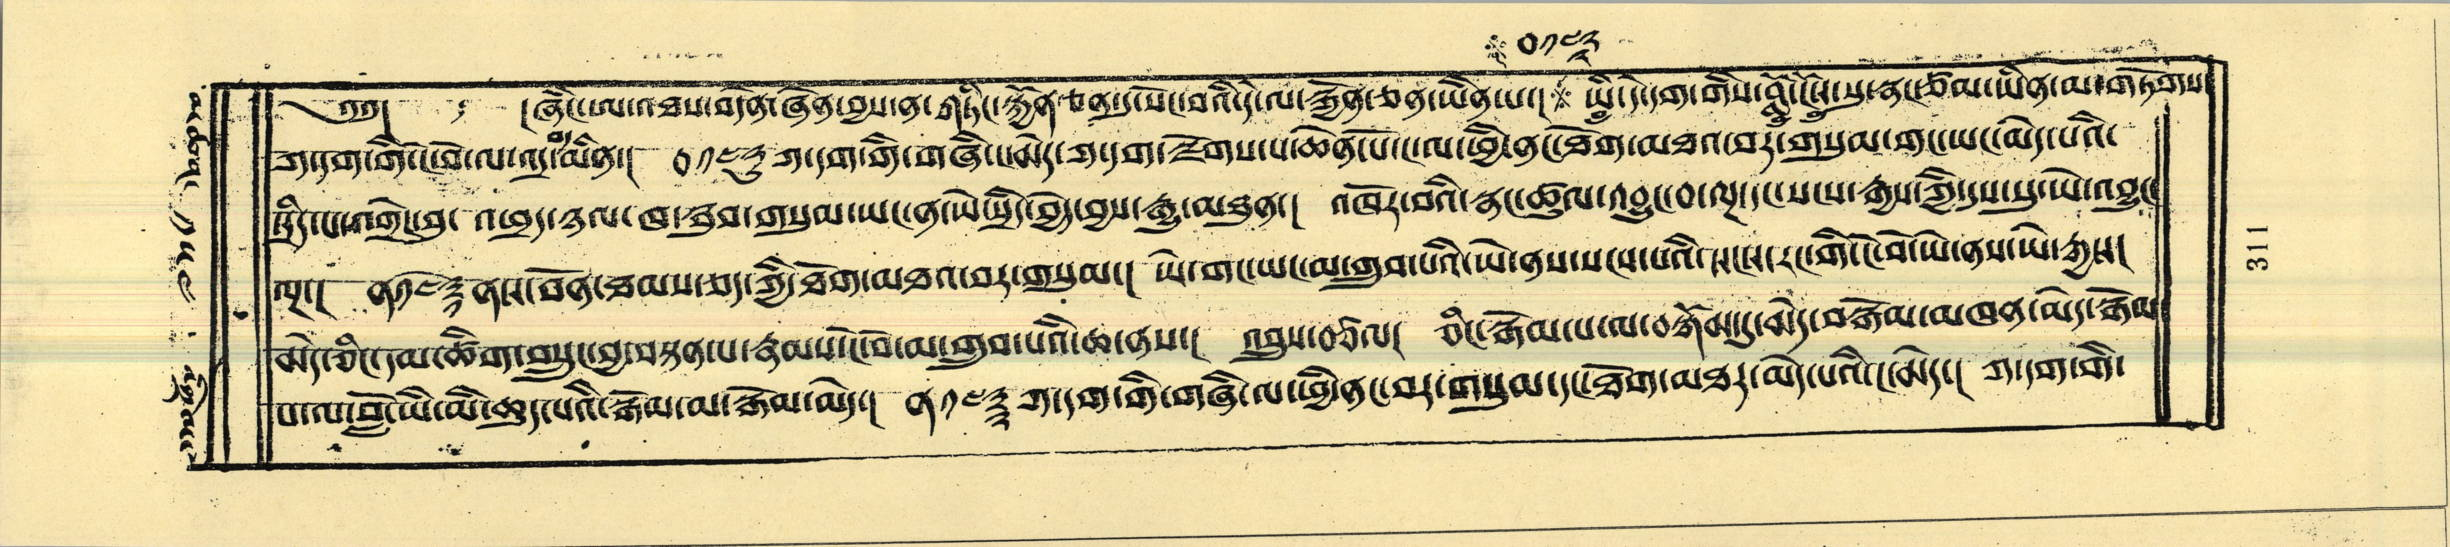ཞིང་ཨ་འཐས་བདེན་ཞེན་བྱས་ན་༼གཏིང་སྐྱོན་༽ཅན་དུ་སོང་བའི་དེ་ལ་སྐྱོན་ཅན་ཡིན་པ། བ༡༤༢།༢ ཡི་དེ་དག་གིས་ ༼བློ་ངོས་༽སུ་སྣང་ཙམ་ཡིན་མ་གཏོགས་
ཀ་དག་གི་ངོ་བོ་ལ་འདྲ་བ་མིན། བ༡༤༢།༦ ཀ་དག་གི་གཞི་མ་ ༼མེད་༽ཀ་དག་སྫོགས་པ་ཆེན་པོ་ང་ལ་ཕྱི་ནང་ཐོག་མཐའ་བར་གསུམ་གང་ཡང་མེད་པའི་ 
༼སྲིད་པ་༽འགྲེང་བུ། འཕྲད་ཉལ་ཁ་སྦུབ་གསུམ་ཡང་ན་ཡེ་སྲིད་བྱེད་བྱས་རྒྱུ་མཐུན། འཁོར་བའི་སྣང་ཚུལ་ ༼འབྱུང་བ་ལྔ་༽དང་སངས་རྒྱས་ཀྱི་དུས་སུ་ཡེ་འབྱུང་
ལྔ། ན༡༤༣།༡ ༼ནས་༽བོན་ཐམས་ཅད་ཀྱི་ཐོག་མཐའ་བར་གསུམ། ཡེ་གང་ཡང་མ་གྲུབ་པའི་ཡེ་ནས་སངས་པའི་ ༼སངས་༽རང་གི་ངོ་བོ་ཡེ་ནས་ཡེ་ ༼རྒྱས་
མེད་ཅིང་༽དམ་ཚིག་བསྲུང་བྱ་བསྟན་པ་རྣམས་ངོ་བོ་མ་གྲུབ་པའི་ཆ་ནས། འབྲས་བུ་ ༼བཙལ་ཅིང་༽སྒོམ་པ་ལ་ ༼བསྒོམ་དུ་མེད་༽བསྒོམ་མཁན་མེད་སྒོམ་
པ་ལ་བློ་ཡི་མི་ཆུད་པའི་སྒོམ་མ་སྒོམ་མེད། ན༡༤༣།༢ ཀ་དག་གི་གཞི་ལ་ཕྱི་ནང་བར་གསུམ་དང་ཐོག་མཐར་མེད་པའི་ ༼ང་མེད།༽ཀ་དག་གི་